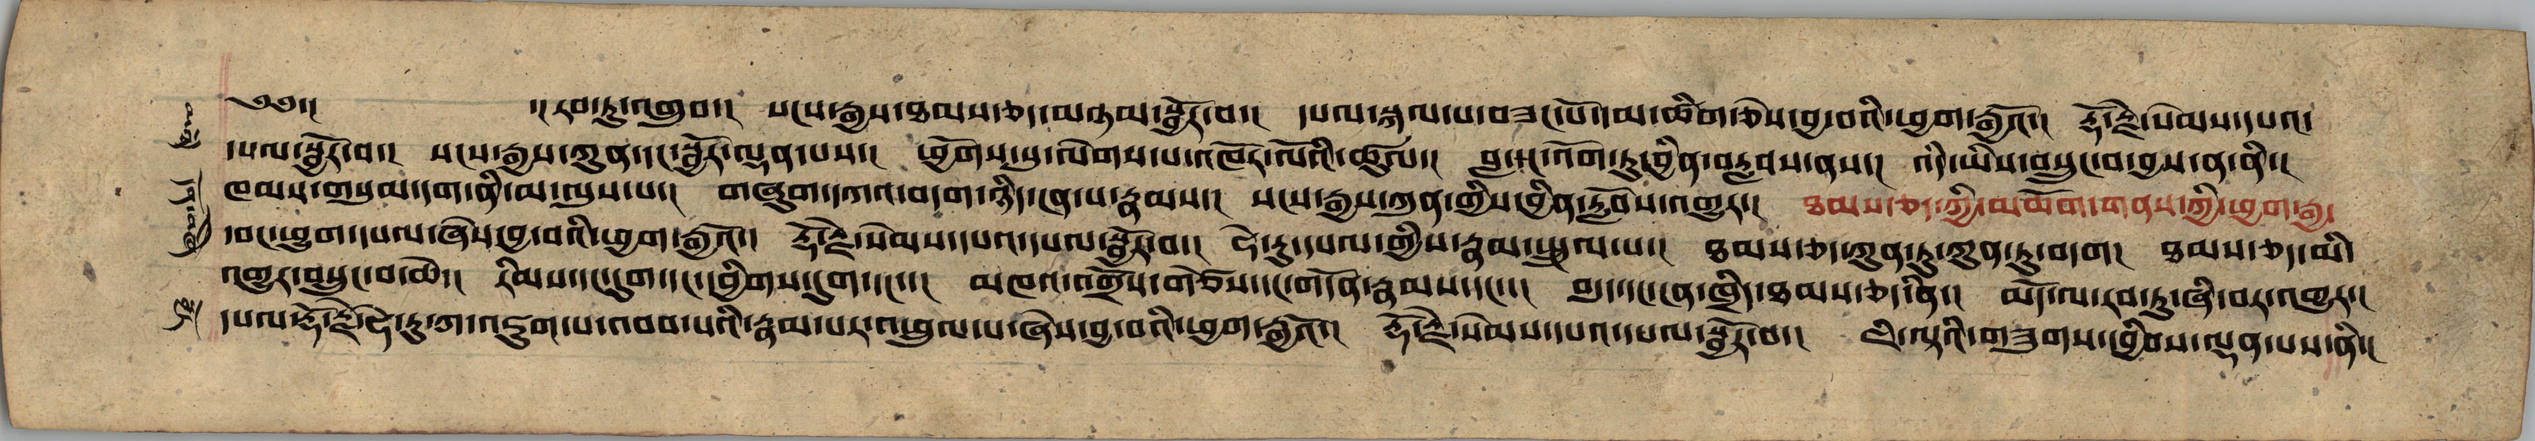༄༅་། ་།རབ་ཏུ་འགྲུབ་། སངས་རྒྱས་ཐམས་ཅད་མཉམ་སྦྱོར་བ་། དཔལ་ལྡན་སྐལ་པ་བཟང་པོ་དམ་ཚིག་ཅེས་བྱ་བའི་ཕྱག་རྒྱའོ་། རྡོ་རྗེ་སེམས་དཔའ་
དཔལ་སྦྱོར་བ་། སངས་རྒྱས་ཀུན་དང་སྦྱོར་ལྡན་པས་། ཕྱོགས་སུ་ལེགས་པ་འཁོར་ལོའི་ཚུལ་། བླ་དང་འོག་ཏུ་བྱིན་བརླབས་ནས་། འདི་ཡིས་བསྲུང་བ་བྱས་ན་ནི་།
ཁམས་གསུམ་དག་ནི་མ་ལུས་པ་། གཞུག་དཀའ་བདག་ཉིད་ངན་པ་རྣམས་། སངས་རྒྱས་ཀུན་གྱིས་བྱིན་རློབས་འགྱུར་། ཐམས་ཅད་ཀྱི་མཆོག་གནས་ཀྱི་ཕྱག་རྒྱ་
དབང་ཕྱུག་དཔལ་ཞེས་བྱ་བའི་ཕྱག་རྒྱའོ་། རྡོ་རྗེ་སེམས་དཔའ་དཔལ་སྦྱོར་བ་། ཧེ་རུ་དཔལ་གྱིས་རྣམ་སྤྲུལ་པ་། ཐམས་ཅད་ཀུན་ཏུ་ཀུན་ཏུ་བདག། ཐམས་ཅད་མི་
འགྱུར་བསྲུང་བ་ཆེ་། རིམས་དང་དུག་དང་དབྱིགས་དུག་དང་་། མཁའ་འགྲོས་གཙོས་དང་གདོན་རྣམས་དང་་། བདུད་དང་ངན་ཁྲིད་ཐམས་ཅད་ནི་། མདོ་ལ་རབ་ཏུ་ཞི་བར་འགྱུར་།
དཔལ་རྡོ་རྗེ་ཧེ་རུ་ཀ་འཇུག་པ་འབབ་པའི་རྣམ་པར་འཕྲུལ་པ་ཞེས་བྱ་བའི་ཕྱག་རྒྱའོ་། རྡོ་རྗེ་སེམས་དཔའ་དཔལ་སྦྱོར་བ་། ཇི་ལྟའི་གཟུགས་དབྱིབས་ལྡན་པས་ནི་།